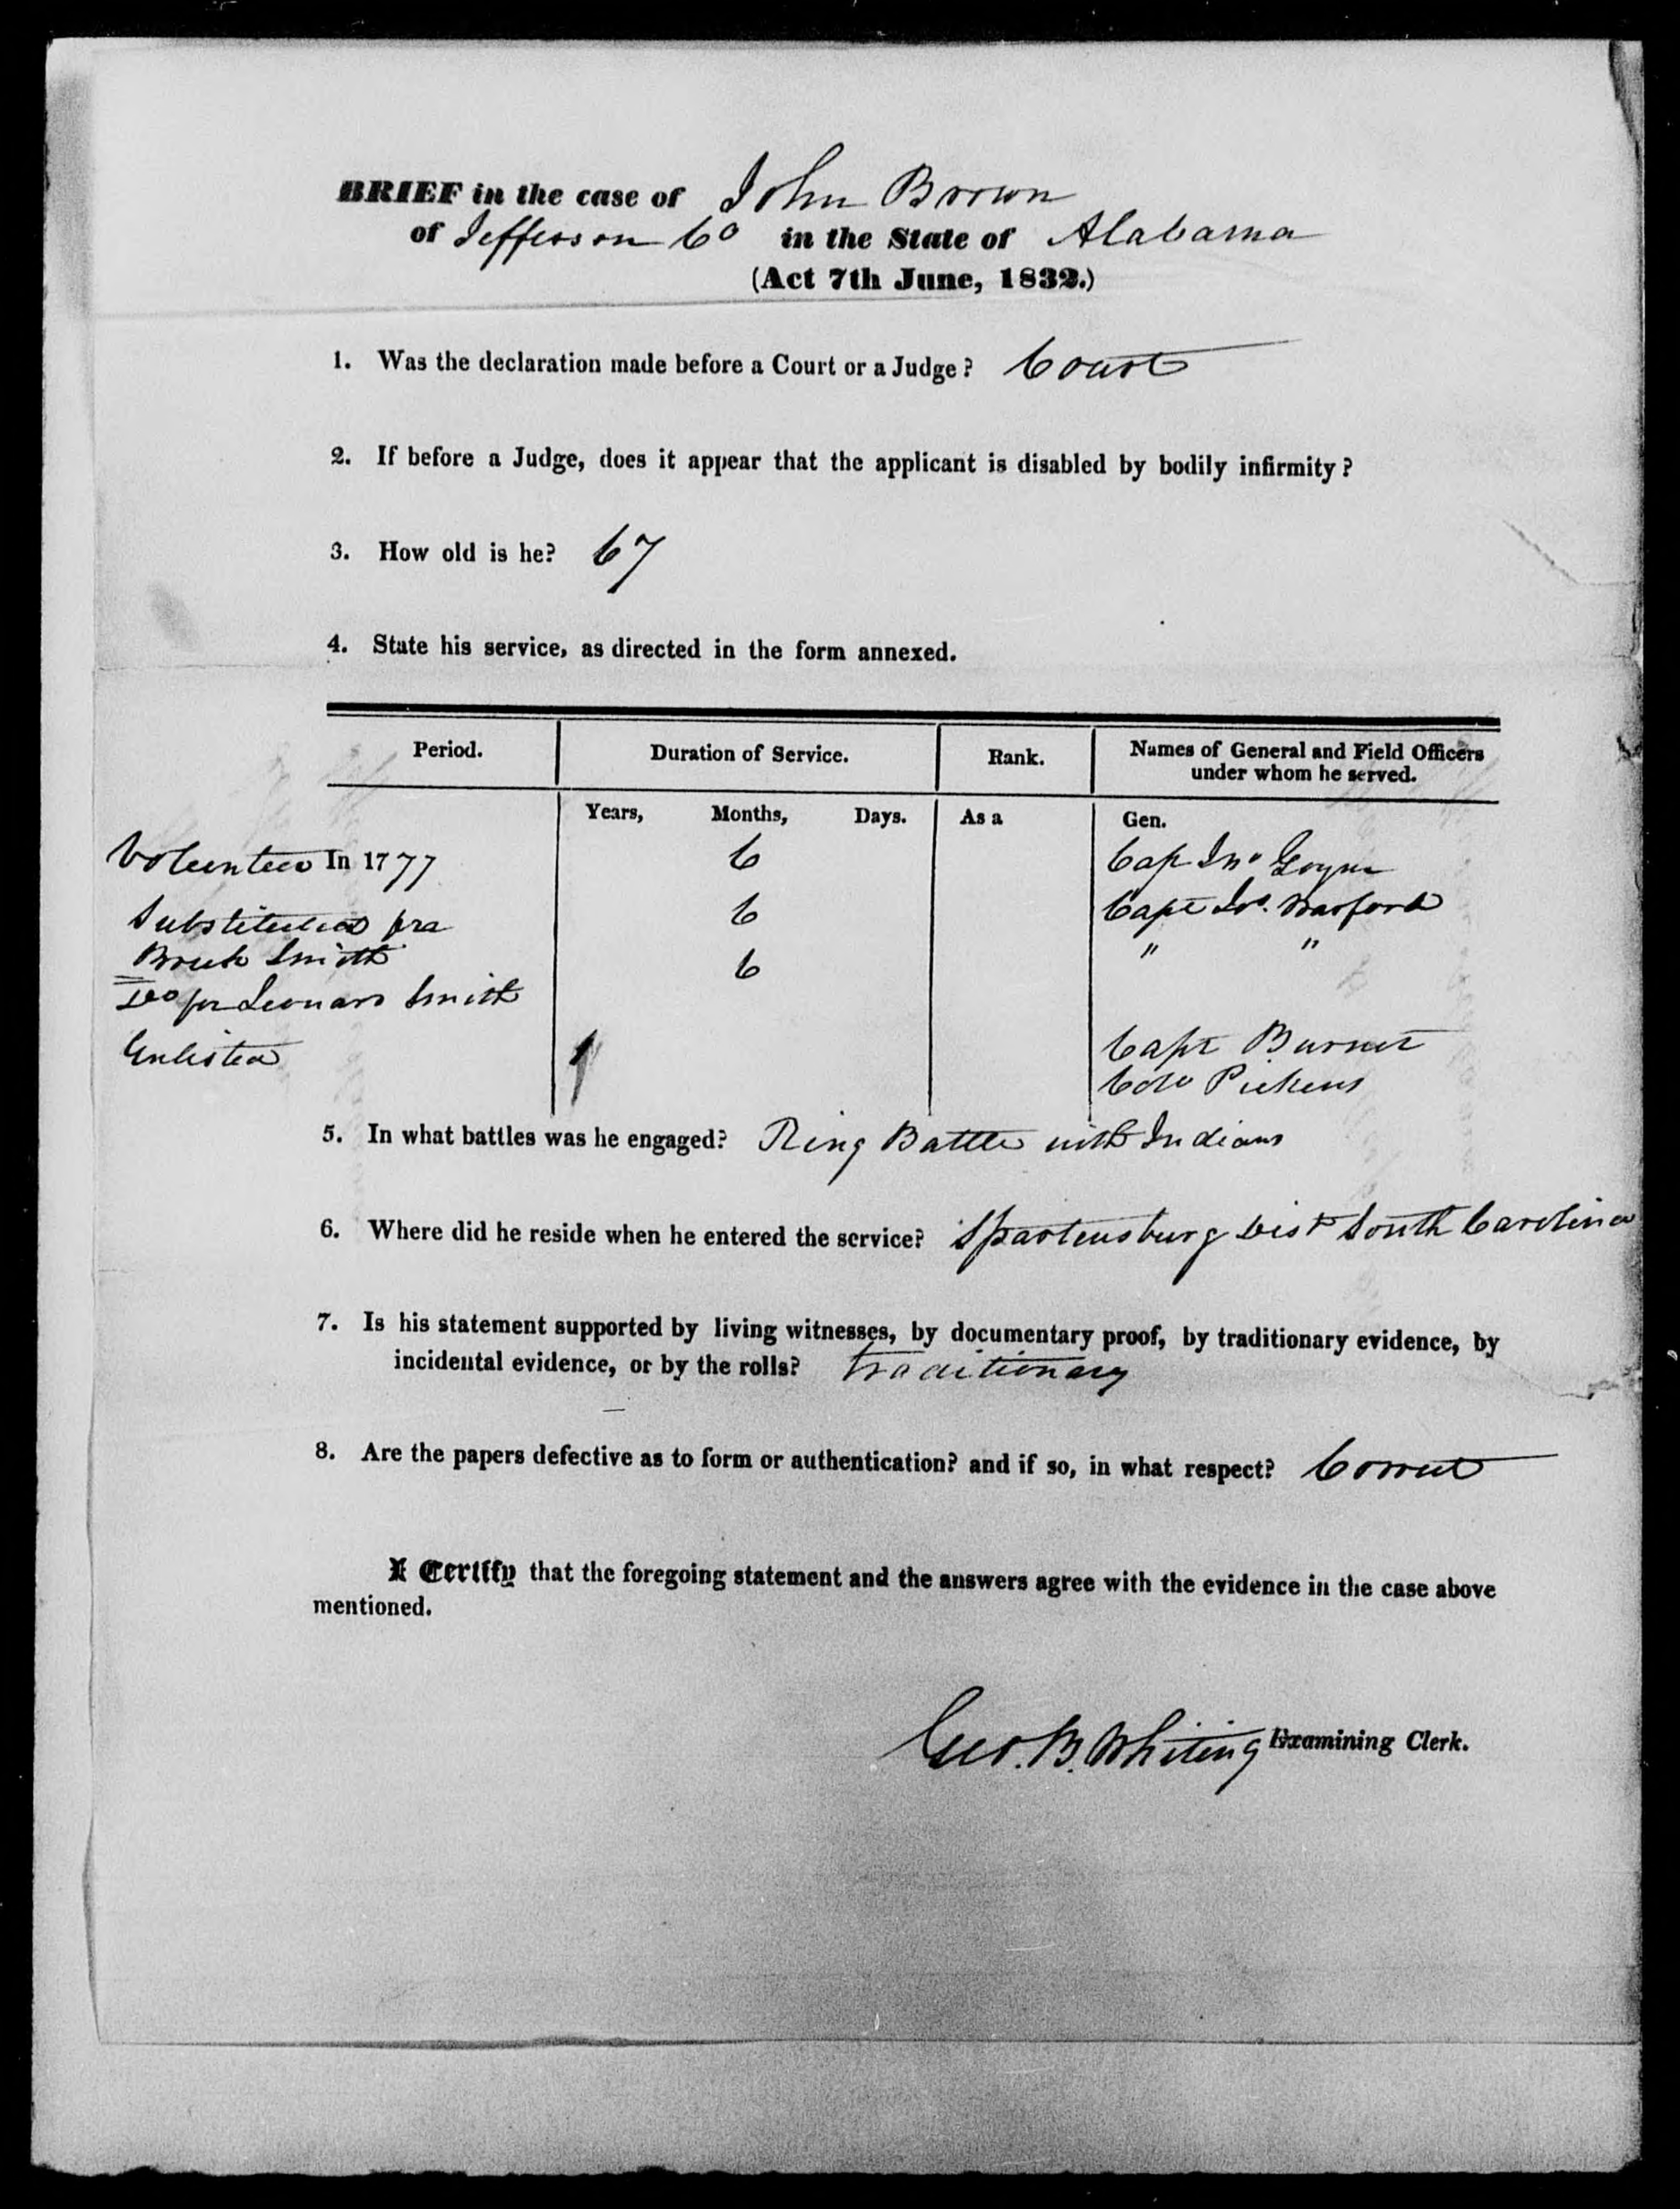BRIEF in the case of John Brown
of Jefferson Co   in the State of Alabama  (Act 7th June, 1832.)
1. Was the declaration made before a Court or a Judge? Court
2. If before a Judge, does it appear that the applicant is disabled by bodily infirmity ?
3. How old is he? 67 
4. State his service, as directed in the form annexed.
Period.  Volunteer in 1777                                                Duration of Service . 6 months                      
Rank.  _       
Names of General and Field Officers
under whom he served.                                                   Capt Jno Goyne [Coyne]

Substituted for Buck Smith 6 mos.                                                                               Capt Jos  Warford [Wofford]
Substituted for Leonard Smith 6 mos.                                                   
Enlisted    1 year                                                                                                       Capt Burnet
Col [Andrew] Pickens  

5. In what battles was he engaged?  Ring Battle with Indians

6. Where did he reside when he entered the service? Spartanburg Dist South Carolina 

7. Is his statement supported by living witnesses, by documentary proof, by traditionary evidence, by incidental evidence, or by the rolls?    Traditionary

8. Are the papers defective as to form or authentication? and if so, in what respect ? Correct

I Certify that the foregoing statement and the answers agree with the evidence in the case above mentioned.
s/ Geo. B. Whiting     Clerk.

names: Geo B Whiting, Jno Goyne, Jos Warford, Pickens, Burnet, John Brown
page: 26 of 85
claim: widow's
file: W. 5,906, John Brown, S.C.